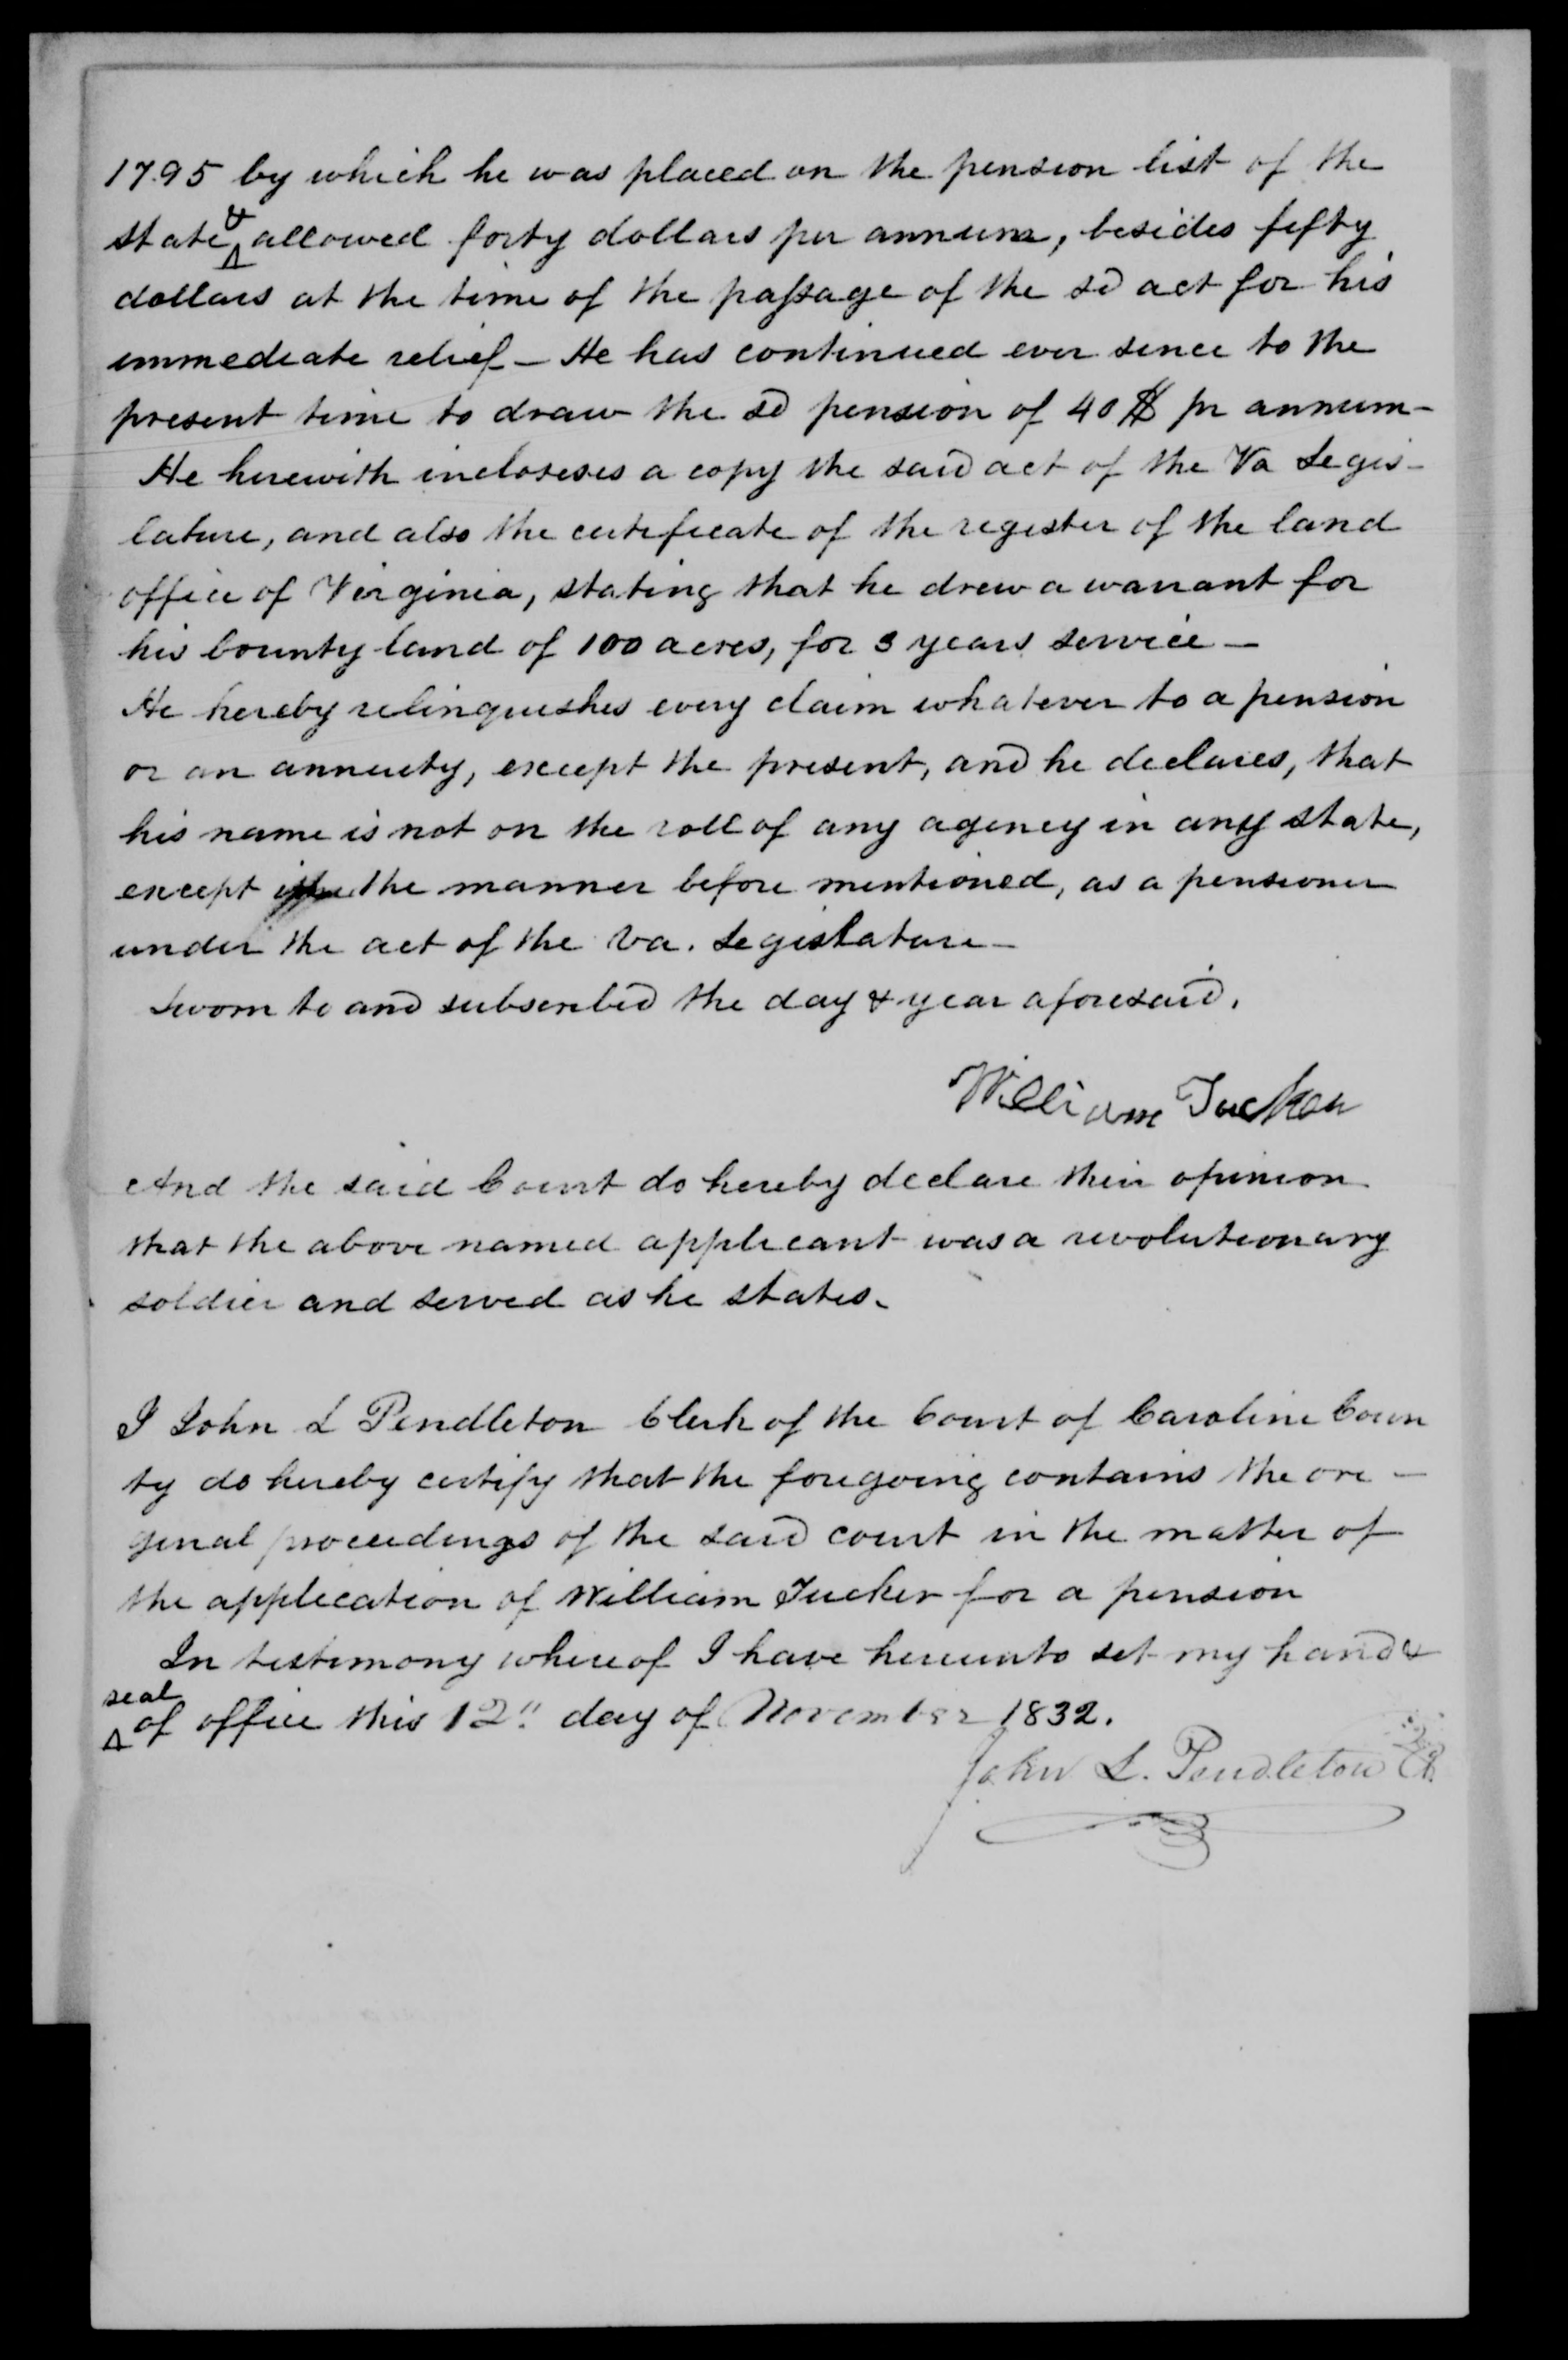1795 by which he was placed on the pension list of the state & allowed forty dollars per annum, besides fifty dollars at the time of the passage of the sd act for his immediate relief. He has continued ever since to the present time to draw the sd pension of $40 per annum. 
He herewith incloseses a copy the said act of the Va Legislature, and also the certificate of the register of the land office of Virginia, stating that he drew a warrant for his bounty land of 100 acres, for 3 years service.
He hereby relinquishes every claim whatever to a pension or an annuity, except the present, and he declares, that his name is not on the roll of any agency in any state, except in the manner before mentioned, as a pensioner under the act of the Va. Legislature.
Sworn to and subscribed the day & year aforesaid. 

William Tucker

And the said Court do hereby declare their opinion that the above named applicant was a revolutionary soldier and served as he states.

I John L Pendleton Clerk of the Court of Caroline County do hereby certify that the foregoing contains the original proceedings of the said court in the matter of the application of William Tucker for a pension.
In testimony whereof I have hereunto set my hand & seal of office this 12th day of November 1832.

John L Pendleton Cl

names: John L Pendleton, William Tucker, William Tucker, John L Pendleton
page: 6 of 13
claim: survivor's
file: S. 7764, William Tucker, Va.